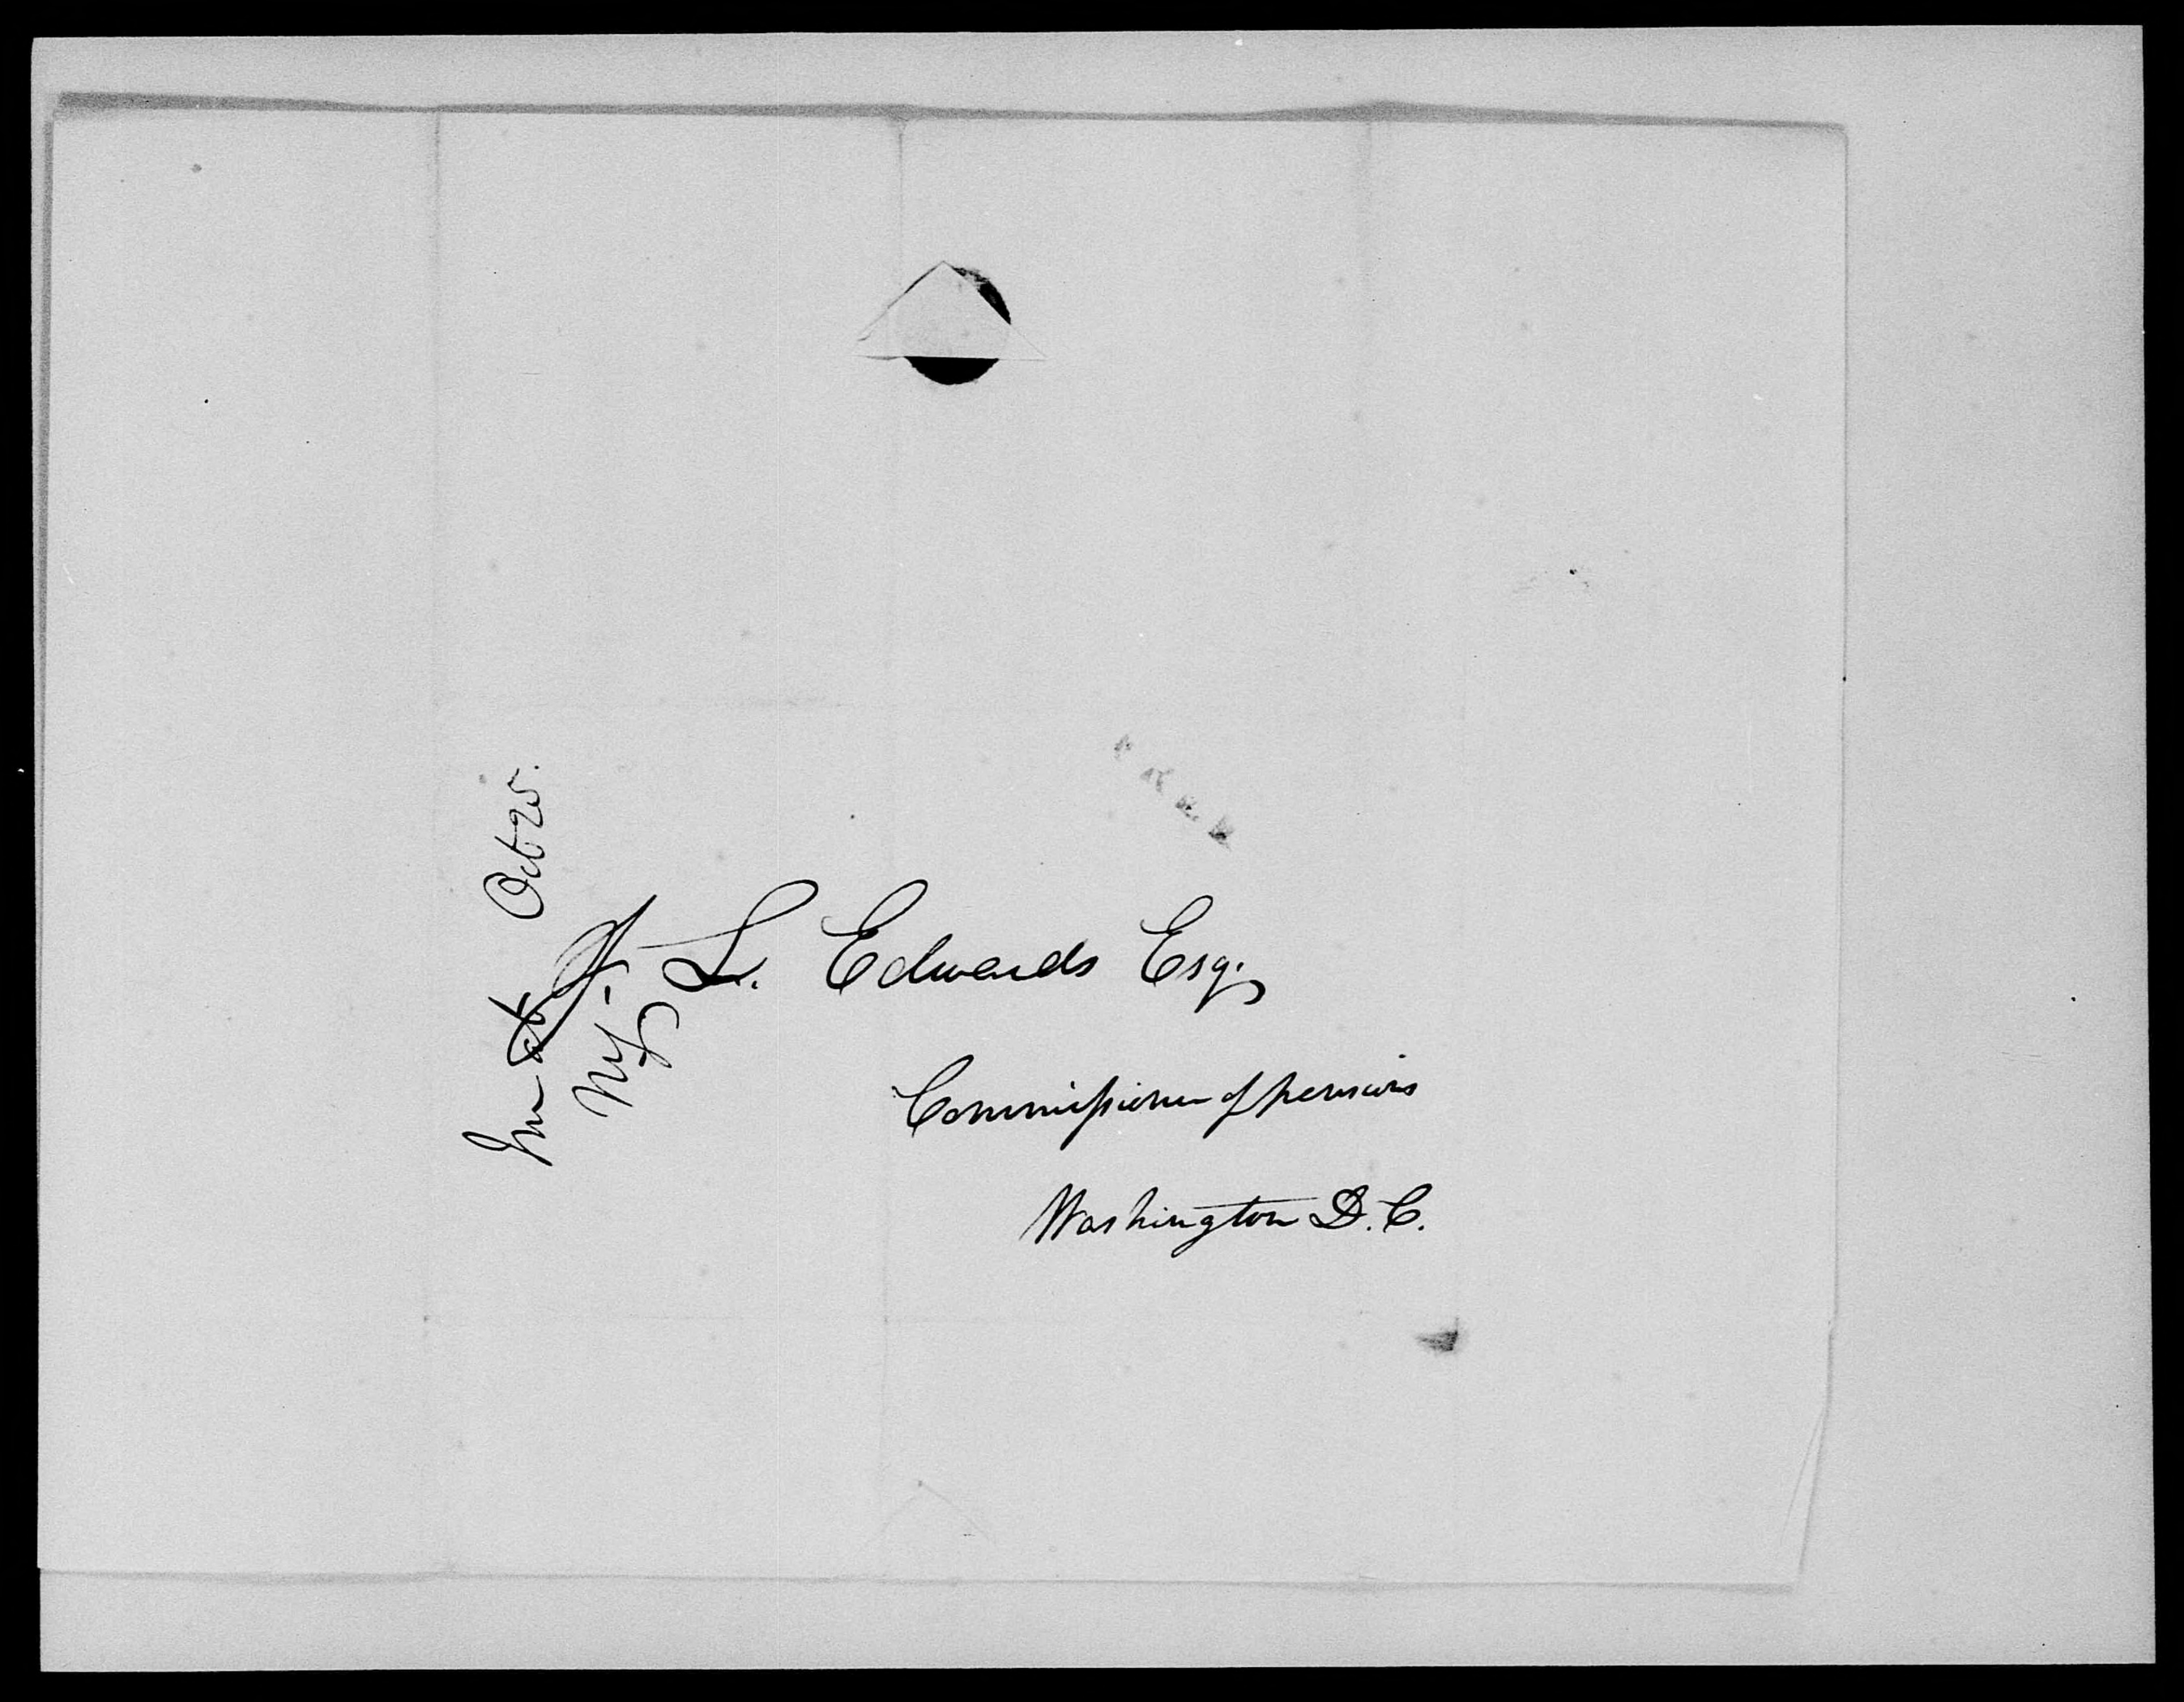FREE
J. L. Edwards Esq.
Commissioner of pensions
Washington D.C.

[illegible] at Oct 25.
NY-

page: 28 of 40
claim: widow's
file: W. 24,615, for Ebenezer Lyon, Connecticut